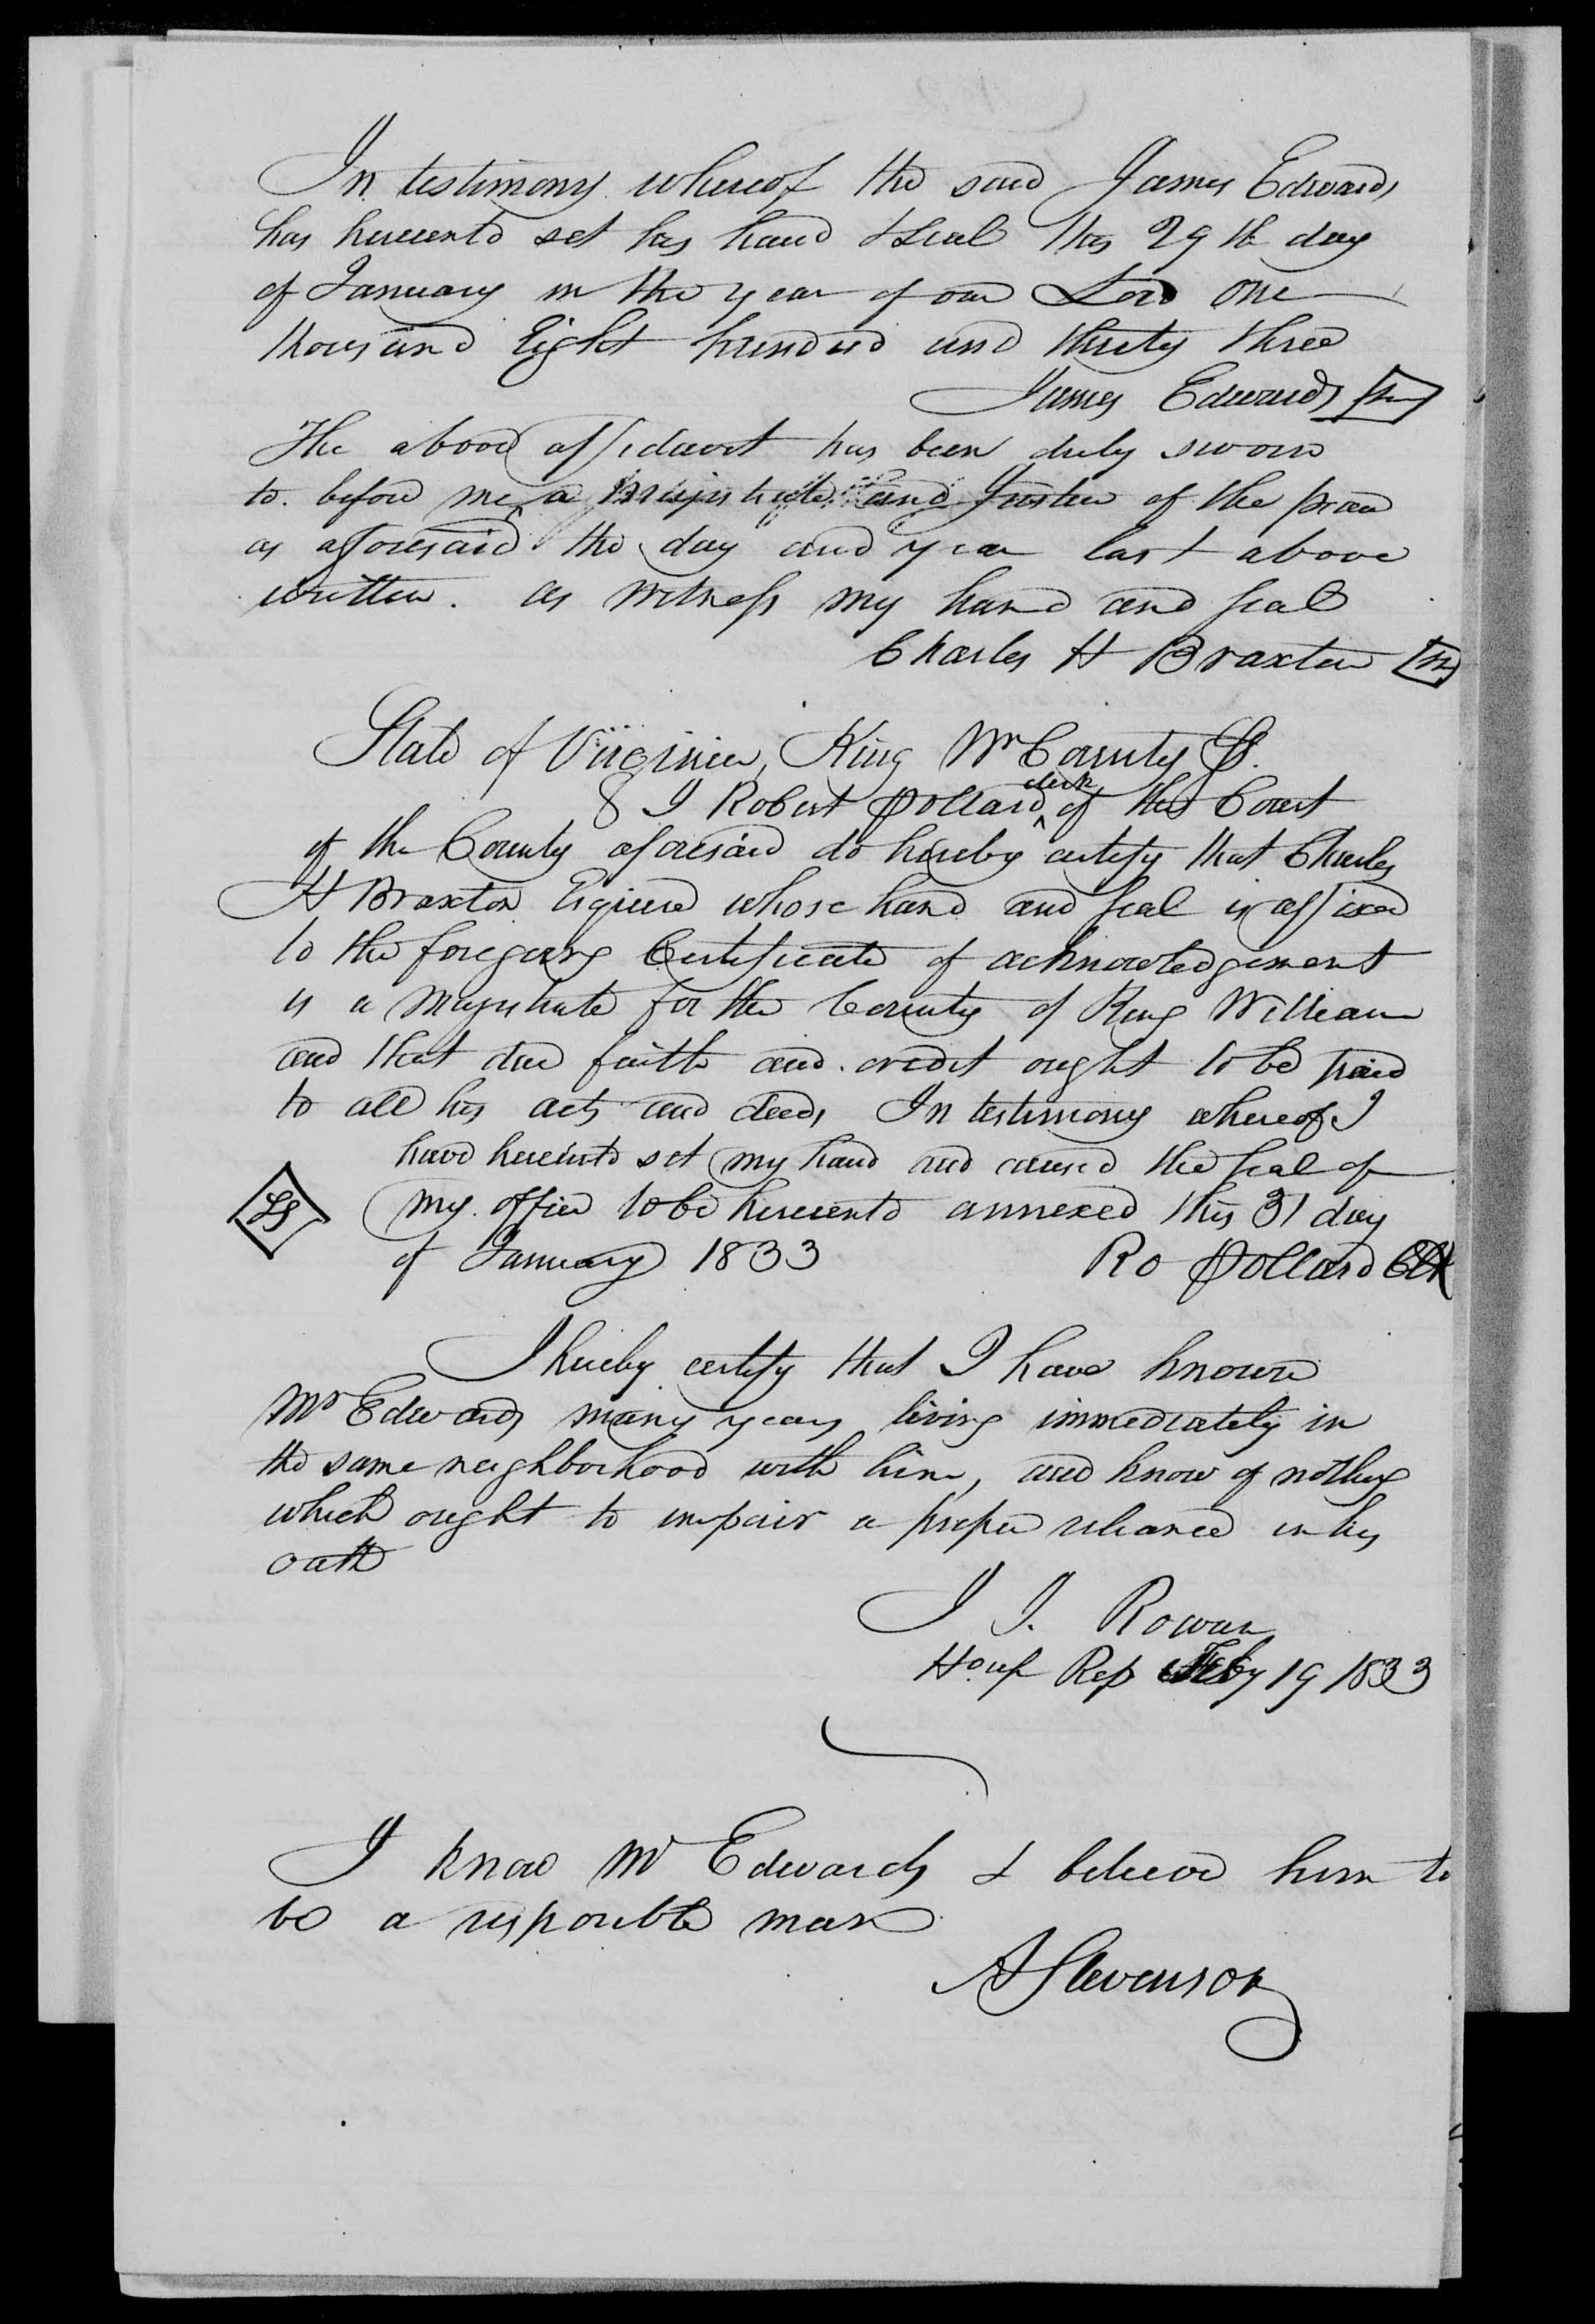In testimony whereof the said James Edward, the hereunto set has [?] [?] this 29th day of January in the year of our Lord one thousand eight hundred and thirty three
James Edward
The above affidavit has been duly sworn to before me a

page: 8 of 22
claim: rejected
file: R. 17251, for Thomas Quarles, Virginia